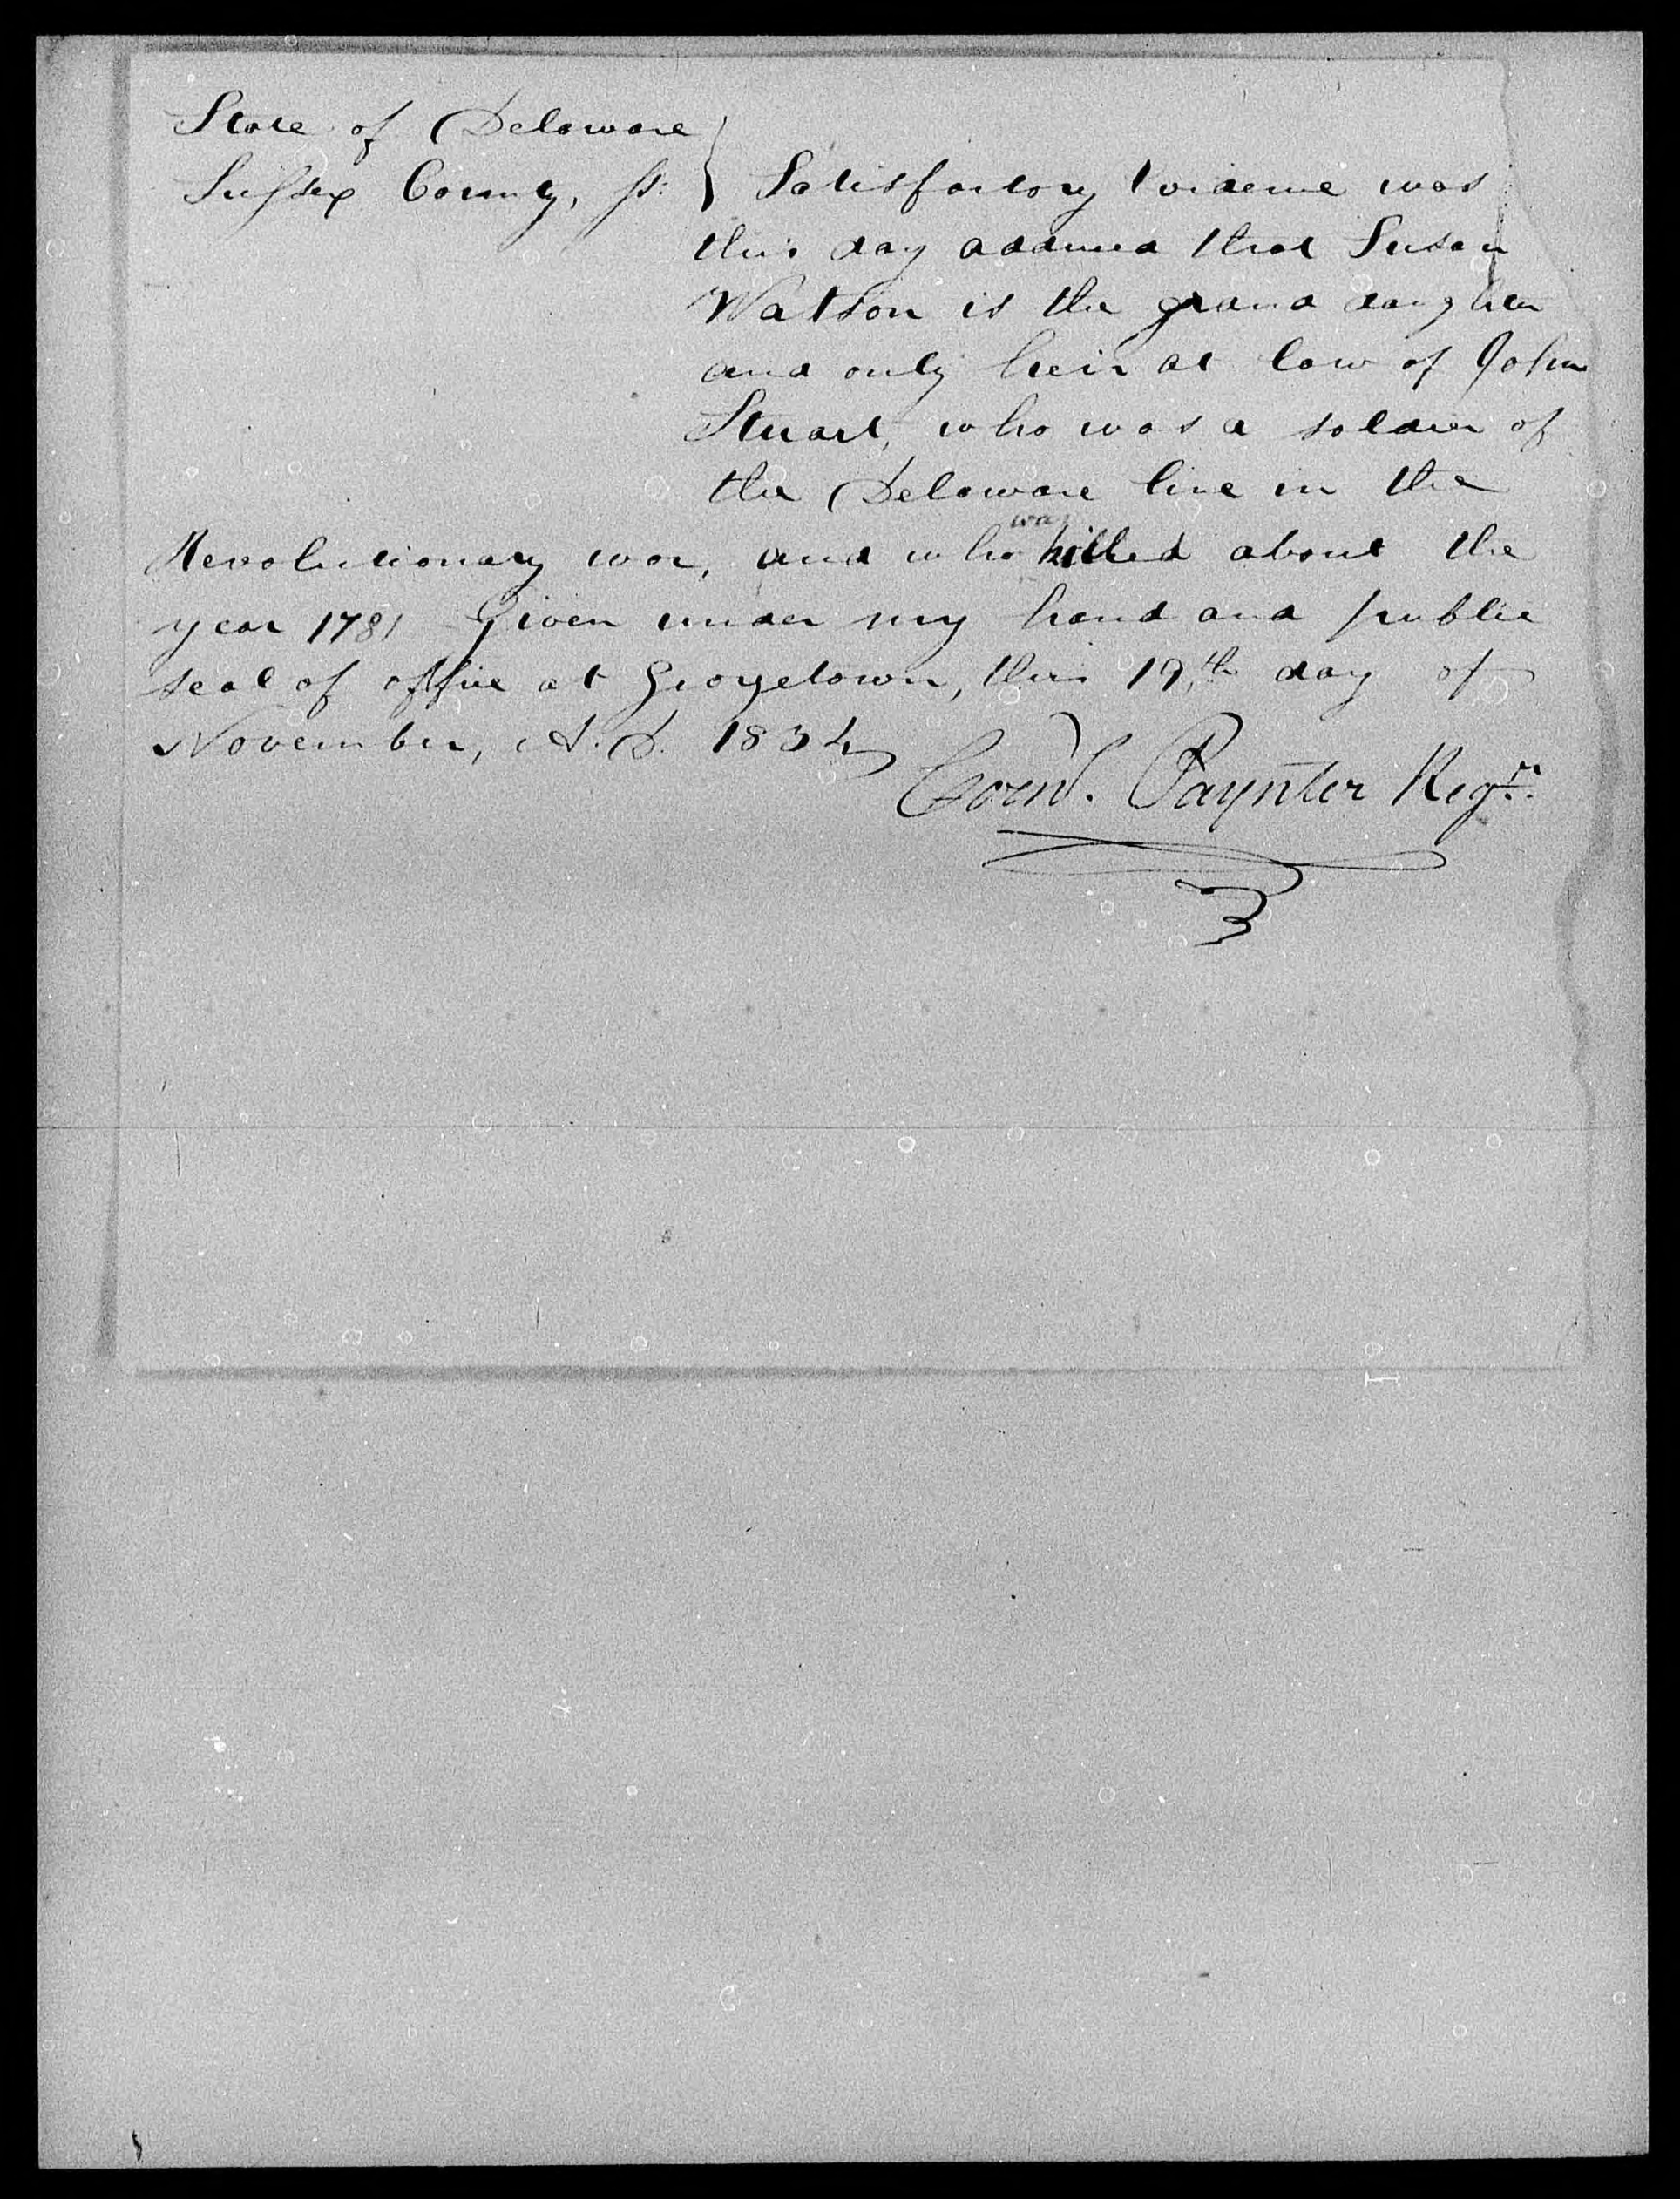State of Delaware
Sussex County ss.

Satisfactory evidence was this day adduced that Susan Watson is the grand daughter and only heir at law of John Stuart who was a soldier of the Delaware line in the Revolutionary war, and who was killed about the year 1781 Given under my hand and public seal of office at Georgetown, this 19th day of November, A.D. 1834

[Illegible] Paynter Regtu.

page: 2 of 9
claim: bounty land warrant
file: B. L. Wt. 2081-100, for John Stuart, Delaware